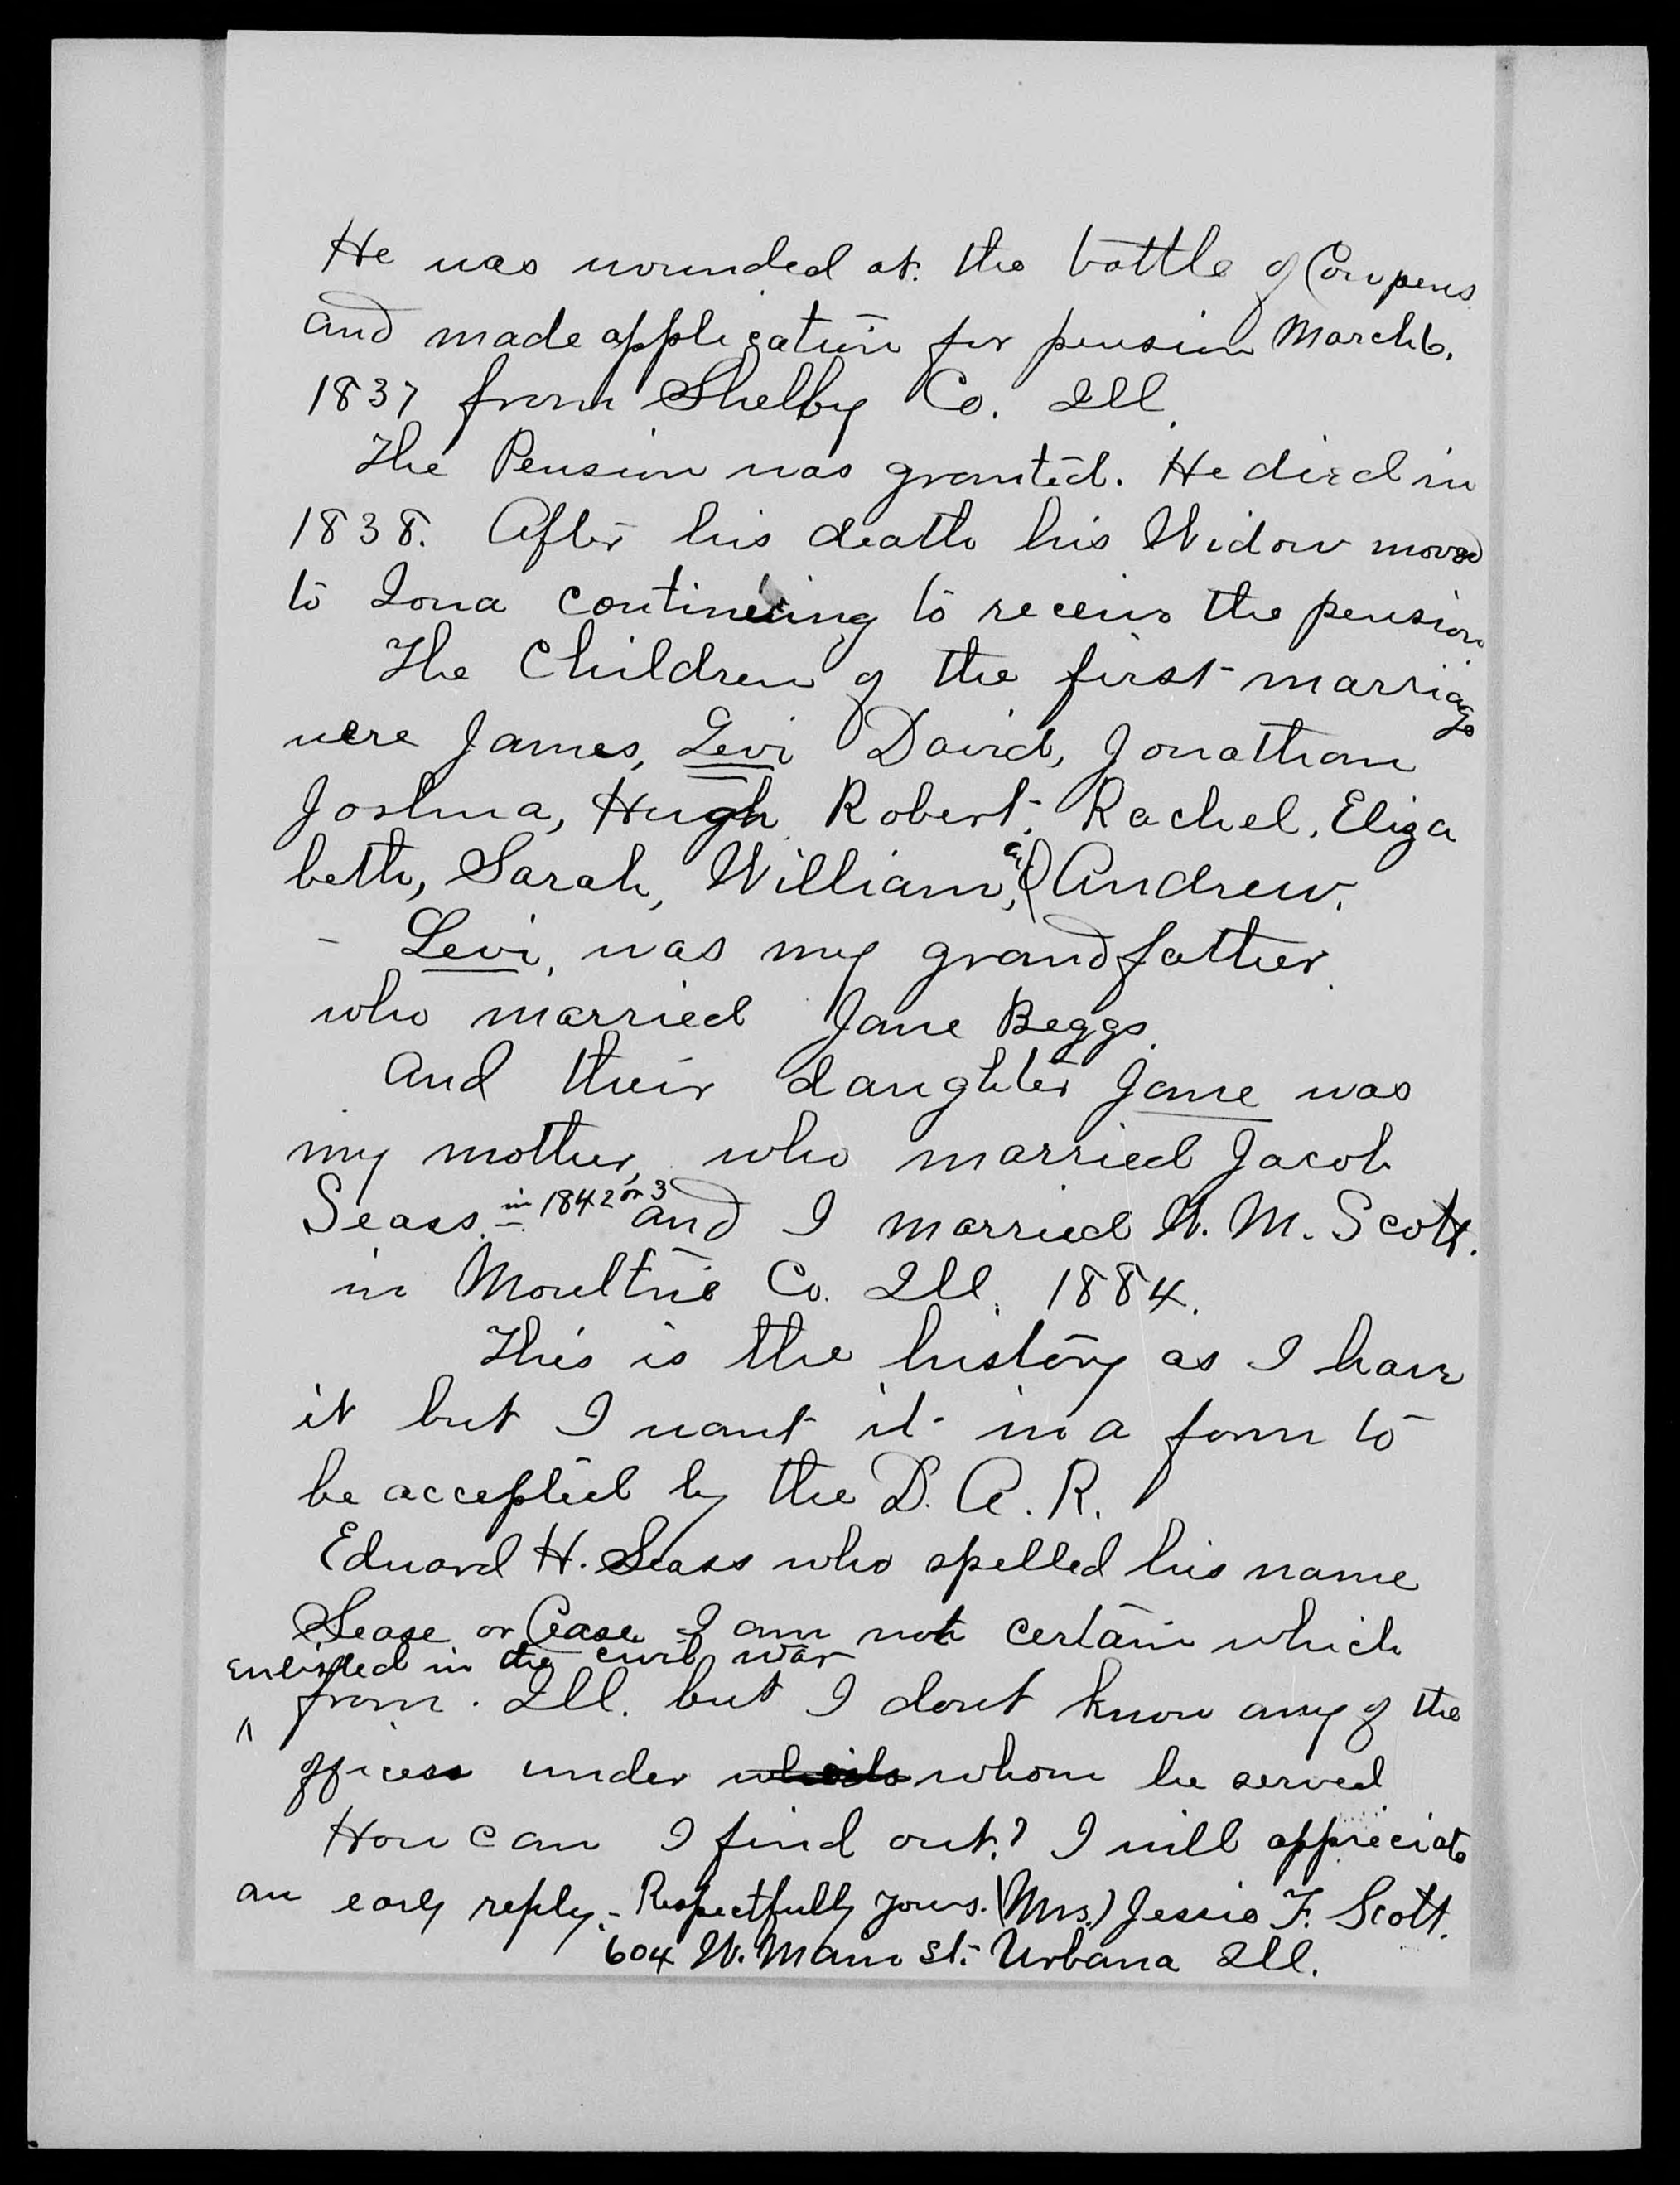He was wounded at the battle of Cowpens and made application for pension March 6, 1837 from Shelby Co. Ill.
The Pension was granted. He died in 1838. After his death his Widow moved to Iowa continuing to receive the pension.
The children of the first marriage were James, Levi David, Jonathan Joshua, Hugh Robert Rachel, Elizabeth, Sarah, William and Andrew.
Levi, was my grandfather who married Jane Beggs. and their daughter Jane was my mother, who married Jacob Seass in 1842 or 3 and I married W. M. Scott in Moultine Co. Ill. 1884 
This is the history as I have it but I want it in a form to be accepted by the D.A.R. 
Edward H. Seass who spelled his name Sease or Cease I am not certain which enlisted in the civil war from Ill. but I dont know any of the officers under whom he served .
How can I find out? I will appreciate early reply.-- Respectfully yours, Mrs. Jessie F. Scott, 604 W. Main St. Urbana Ill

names: David [BLANK]; Levi [BLANK]; Jessie F Scott; William [BLANK]; [BLANK] Sease; Jane Beggs; [BLANK] Cease; Elizabeth [BLANK]; Jonathan [BLANK]; James [BLANK]; Andrew [BLANK]; Edward H Seass; Robert [BLANK]; Sarah [BLANK]; Rachel [BLANK]; Hugh [BLANK]; W M Scott; Jacob Seass; Joshua [BLANK]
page: 65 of 69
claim: widow's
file: W. 10861, for James Patterson, North Carolina